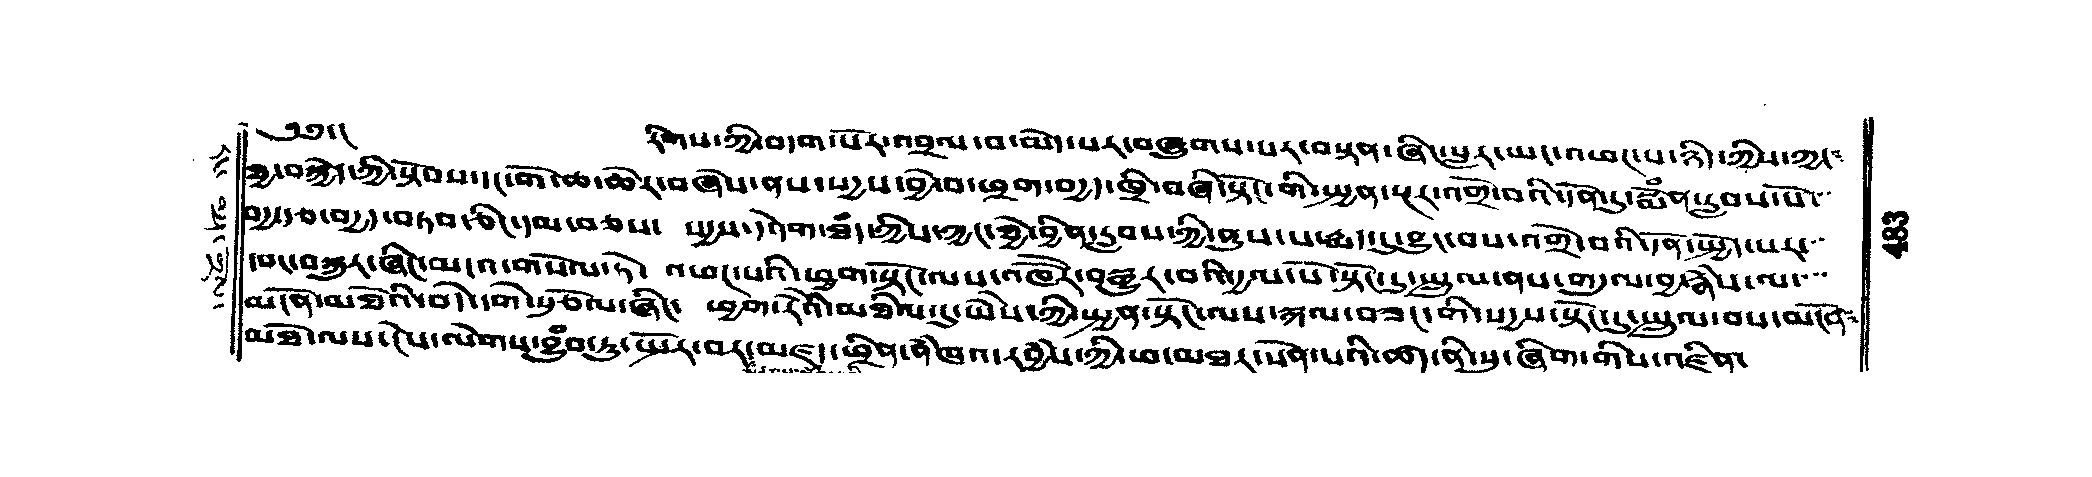རིགས་ཀྱི་བདག་པོར་འབྲལ་བ་མེད་པར་བཞུགས་པར་བསྟན་ཞིང་སླར་ཡང་འཕགས་པ་ཉིད་ཀྱང་
ཐུགས་བསྐྱེད་ཀྱི་སྟོབས་དང་གོ་ཆ་ཆེར་བཞེས་ནས་སངས་རྒྱས་བྱེ་བ་ཁྲག་བརྒྱད་ཁྲི་བཞི་སྟོང་གི་སྤྱན་སྔར་འགྲོ་བའི་དོན་དུ་སྨོན་ལམ་རླབས་པོ་
བརྒྱ་རྩ་བརྒྱད་བཏབ་ཅིང་དམ་བཅས། སངས་རྒྱས་དེ་དག་ཐམས་ཅད་ཀྱིས་ཀྱང་ཐུགས་རྗེ་བྱིན་རླབས་ཀྱི་ནུས་པ་རྨད་དུ་བྱུང་བའི་འགྲོ་བའི་དོན་སྤྱོད་པར་
དབང་བསྐུར་ཞིང་མངའ་གསོལ་ཏེ། འཕགས་པའི་ཕྱག་སྟོང་ལས་འཁོར་ལོ་བསྒྱུར་བའི་རྒྱལ་པོ་སྟོང་དུ་སྤྲུལ་ནས་གདུལ་བྱ་རྣམས་ལ་
མངོན་མཐོའི་བདེ་དགེ་སྩོལ་ཞིང་། ཕྱག་རེ་རེའི་མཐིལ་དུ་ཡེ་ཤེས་ཀྱི་སྤྱན་སྟོང་ལས་སྐལ་བཟང་གི་སངས་རྒྱས་སྟོང་དུ་སྤྲུལ་བས་མངོན་
མཐོ་ལས་ངེས་ལེགས་བྱང་ཆུབ་ཏུ་སྤོར་བར་མཛད་པ་སོགས་མཛད་ཕྲིན་ནམ་མཁའ་རབ་འབྱམས་ཀྱི་ཕ་མཐར་སོན་པའི་ཚད་ནི་སུ་ཞིག་གིས་འཛིན།